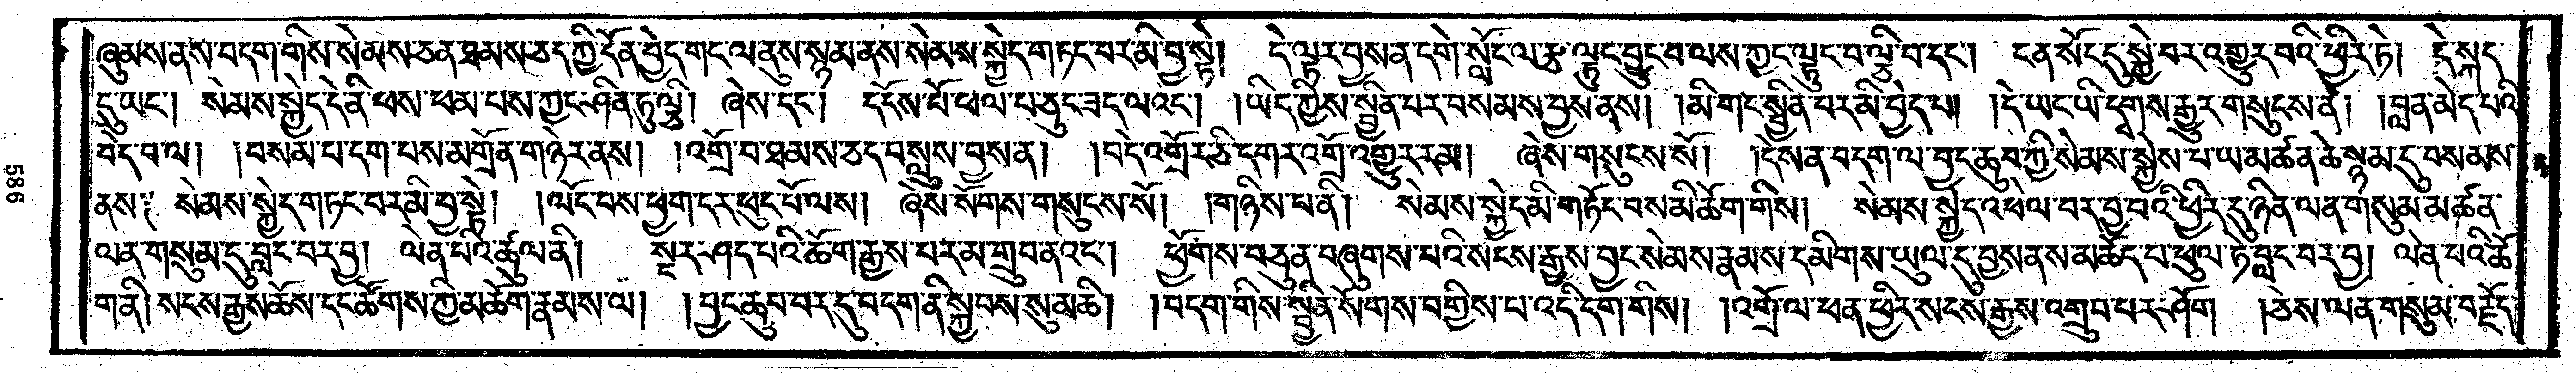ཞུམས་ནས་བདག་གིས་སེམས་ཅན་ཐམས་ཅད་ཀྱི་དོན་བྱེད་གང་ལ་ནུས་སྙམ་ནས་སེམས་སྐྱེད་གཏང་བར་མི་བྱ་སྟེ། དེ་ལྟར་བྱས་ན་དགེ་སློང་ལ་རྩ་ལྟུང་བྱུང་བ་ལས་ཀྱང་ལྟུང་བ་ལྕི་བ་དང་། ངན་སོང་དུ་སྐྱེ་བར་འགྱུར་བའི་ཕྱིར་ཏེ། དེ་སྐད་
དུ་ཡང་། སེམས་སྐྱེད་དེ་ནི་ཕས་ཕམ་པས་ཀྱང་ཤིན་ཏུ་ལྕི། ཞེས་དང་། དངོས་པོ་ཕལ་པ་ཅུང་ཟད་ལའང་། །ཡིད་ཀྱིས་སྦྱིན་པར་བསམས་བྱས་ནས། །མི་གང་སྦྱིན་པར་མི་བྱེད་པ། །དེ་ཡང་ཡི་དྭགས་རྒྱུར་གསུངས་ནི། །བླ་ན་མེད་པའི་
བདེ་བ་ལ། །བསམ་པ་དག་པས་མགྲོན་གཉེར་ནས། །འགྲོ་བ་ཐམས་ཅད་བསླུས་བྱས་ན། །བདེ་འགྲོར་ཅི་དགར་འགྲོ་འགྱུར་རམ། ཞེས་གསུངས་སོ། །དེས་ན་བདག་ལ་བྱང་ཆུབ་ཀྱི་སེམས་སྐྱེས་པ་ཡ་མཚན་ཆེ་སྙམ་དུ་བསམས་
ནས༑ སེམས་སྐྱེད་གཏང་བར་མི་བྱ་སྟེ། །ལོང་པས་ཕྱག་དར་ཕུང་པོ་ལས། ཞེས་སོགས་གསུངས་སོ། །གཉིས་པ་ནི། སེམས་སྐྱེད་མི་གཏོང་བས་མི་ཆོག་གིས། སེམས་སྐྱེད་འཕེལ་བར་བྱ་བའི་ཕྱིར་དུ་ཉིན་ལན་གསུམ་མཚན་
ལན་གསུམ་དུ་བླང་བར་བྱ། ལེན་པའི་ཚུལ་ནི། སྔར་ཤད་པའི་ཆོ་ག་རྒྱས་པར་མ་གྲུབ་ནའང་། ཕྱོགས་བཅུ་ན་བཞུགས་པའི་སངས་རྒྱས་བྱང་སེམས་རྣམས་དམིགས་ཡུལ་དུ་བྱས་ནས་མཆོད་པ་ཕུལ་ཏེ་བླང་བར་བྱ། ལེན་པའི་ཆོ་
ག་ནི། སངས་རྒྱས་ཆོས་དང་ཚོགས་ཀྱི་མཆོག་རྣམས་ལ། །བྱང་ཆུབ་བར་དུ་བདག་ནི་སྐྱབས་སུ་མཆི། །བདག་གིས་སྦྱིན་སོགས་བགྱིས་པ་འདི་དག་གིས། །འགྲོ་ལ་ཕན་ཕྱིར་སངས་རྒྱས་འགྲུབ་པར་ཤོག། །ཅེས་ལན་གསུམ་བརྗོད་